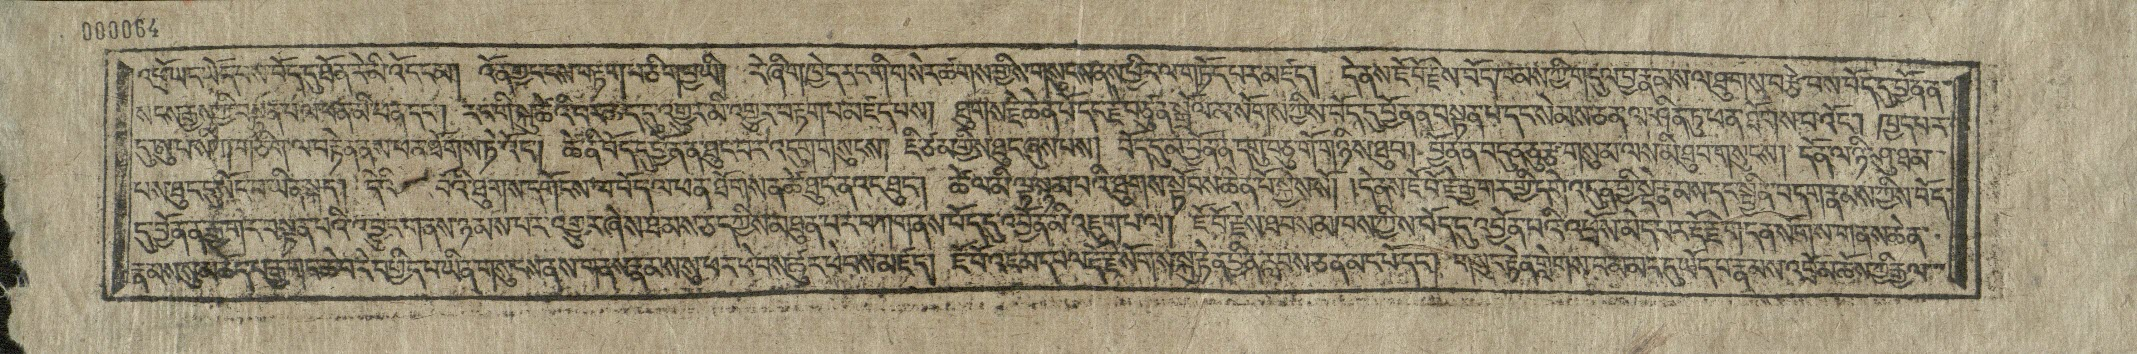འཕྲོ་ཡང་ཡོད་པས་བོད་དུ་ཐོན་རེ་མི་འོང་ངམ། འོན་ཀྱང་ངས་བརྟག་པ་ཅིག་བྱ་ཡི། རེ་ཞིག་ཁྱེད་རང་གི་གསེར་ཚགས་གྱིས་གསུངས་ནས་ཕྱིར་ལ་གཏོད་པར་མཛད། དེ་ནས་ཇོ་བོ་རྗེས་བོད་ཁམས་ཀྱི་གདུལ་བྱ་རྣམས་ལ་ཐུགས་བརྩེ་བས་བོད་དུ་བྱོན་ན་
སངས་རྒྱས་ཀྱི་བསྟན་པ་ལ་ཕན་མི་ཕན་དང་། རང་གི་སྐུ་ཚེའི་བར་ཆད་དུ་འགྱུར་མི་འགྱུར་བརྟག་པ་མཛད་པས། ཐུགས་རྗེ་ཆེན་པོ་དང་རྗེ་བཙུན་སྒྲོལ་མ་སོགས་ཀྱིས་བོད་དུ་བྱོན་ན་བསྟན་པ་དང་སེམས་ཅན་ལ་ཤིན་ཏུ་ཕན་ཐོགས་པ་འོང་། ཁྱད་པར་
དུ་ཨུ་པ་སི་ཀ་གཅིག་ལ་བརྟེན་ནས་ཕན་ཐོགས་ཏེ་འོང་། ཚེ་ནི་བོད་དུ་བྱོན་ན་ཐུང་བར་འདུག་གསུངས། ཇི་ཙམ་གྱིས་ཐུང་ཞུས་པས། བོད་དུ་མ་བྱོན་ན་དགུ་བཅུ་གོ་གཉིས་ཐུབ། བྱོན་ན་བདུན་ཅུ་རྩ་གསུམ་ལས་མི་ཐུབ་གསུངས། དོན་ལ་ཉི་ཤུ་ཐམ་
པས་ཐུང་དུ་སོང་བ་ཡིན་སྐད། དེའི་ཚེ་ཇོ་བོའི་ཐུགས་དགོངས་ལ་བོད་ལ་ཕན་ཐོགས་ན་ཚེ་ཐུང་ནའང་ཐུང་། ཚེ་ལ་མི་ལྟ་སྙམ་པའི་ཐུགས་སྟོབས་ཆེན་པོ་སྐྱེས་སོ། །དེ་ནས་ཇོ་བོ་རྗེ་རྒྱ་གར་གྱི་དགེ་འདུན་གྱི་སྡེ་རྣམས་དང་སྦྱིན་བདག་རྣམས་ཀྱིས་བོད་
དུ་བྱོན་ན་རྒྱ་གར་བསྟན་པའི་འབྱུང་གནས་ཉམས་པར་འགྱུར་ཞེས་ཐམས་ཅད་ཀྱིས་མཐུན་པར་བཀག་ནས་བོད་དུ་འབྱོན་མི་འཇུག་པ་ལ། ཇོ་བོ་རྗེས་ཐབས་མཁས་ཀྱིས་བོད་དུ་འབྱོན་པའི་འཕྲོས་མེད་པར་རྡོ་རྗེ་གདན་སོགས་གནས་ཆེན་
རྣམས་སུ་མཆོད་པ་རྒྱ་གང་ཆེ་བ་རེ་བགྱིད་པ་ཡིན་གསུངས་ནས་གནས་རྣམས་སུ་ཕར་ཕེབས་ཚུར་ཕེབས་མཛད། ཇོ་བོ་འཇམ་དཔལ་རྡོ་རྗེ་སོགས་སྐུ་རྟེན་བྱིན་རླབས་ཅན་མང་པོ་དང་། གསུང་རྟེན་གླེགས་བམ་མང་དུ་ཡོད་པ་རྣམས་འབྲོམ་ཆོས་ཀྱི་རྒྱལ་